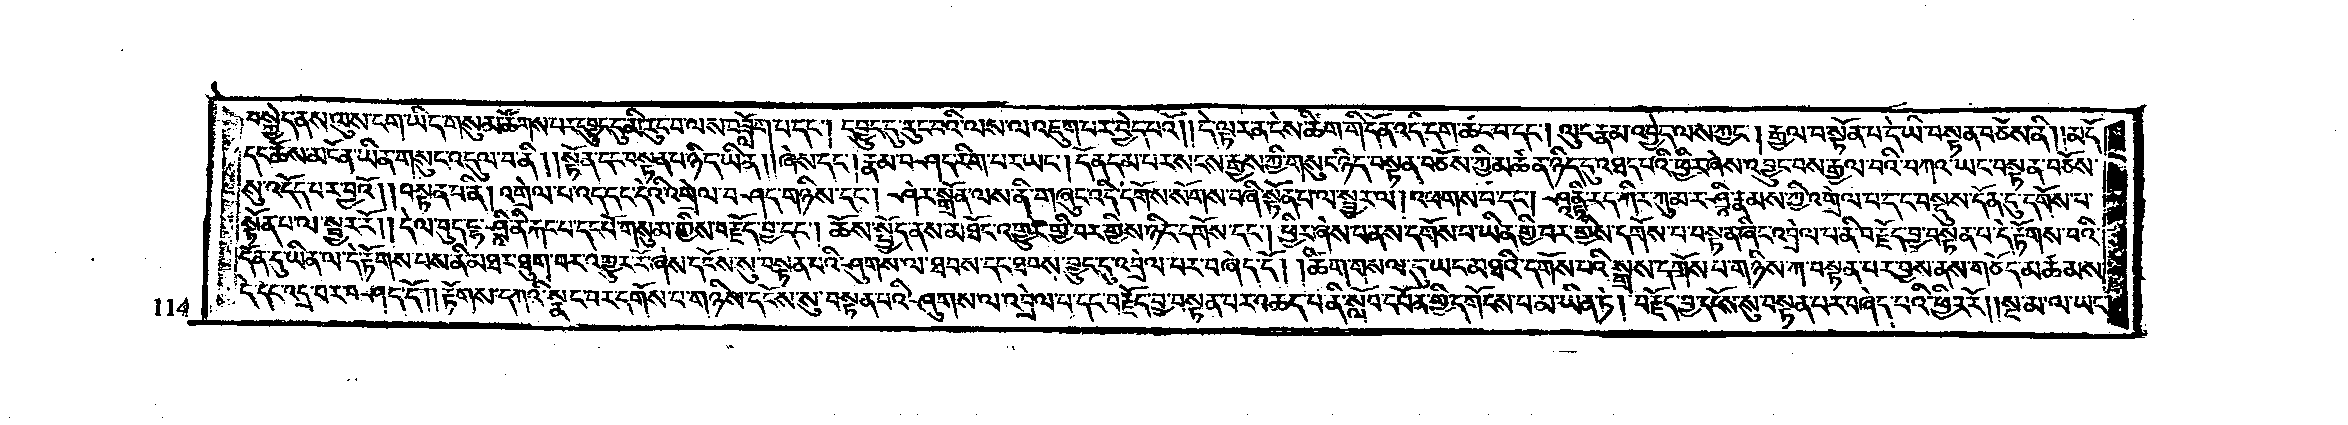བསྐྱེད་ནས་ལུས་ངག་ཡིད་གསུམ་ཚོགས་པར་དབྱུང་དུ་མི་རུང་བ་ལས་བཟློག་པ་དང་། དབྱུང་དུ་རུང་བའི་ལས་ལ་འཇུག་པར་བྱེད་པའོ། །དེ་ལྟར་ན་ངེས་ཚིག་གི་དོན་འདི་དག་ཚང་བ་དང་། ལུང་རྣམ་འབྱེད་ལས་ཀྱང་། རྒྱལ་བ་སྟོན་པ་དེ་ཡི་བསྟན་བཅོས་ནི། །མདོ་
དང་ཆོས་མངོན་ཡིན་གསུང་འདུལ་བ་ནི། །སྟོན་དང་བསྟན་པ་ཉིད་ཡིན། །ཞེས་དང་། རྣམ་བཤད་རིག་པར་ཡང་། དོན་དམ་པར་སངས་རྒྱས་ཀྱི་གསུང་ཉིད་བསྟན་བཅོས་ཀྱི་མཚན་ཉིད་དུ་འཐད་པའི་ཕྱིར་ཞེས་འབྱུང་བས་རྒྱལ་བའི་བཀའ་ཡང་བསྟན་བཅོས་
སུ་འདོད་པར་བྱའོ། །བསྟན་པ་ནི། འགྲེལ་པ་འདི་དང་དེའི་འགྲེལ་བཤད་གཉིས་དང་། ཤེར་སྒྲོན་ལས་ནི་གཞུང་འདི་དགོས་སོགས་བཞི་སྟོན་པ་ལ་སྦྱར་ལ། འཕགས་པ་དང་། ཤཱནྟི་རད་ཀིར་ཀུ་མ་ར་ཤྲཱི་རྣམས་ཀྱི་འགྲེལ་པ་ད་ང་བསྡུས་དོན་དུ་དགོས་པ་
སྟོན་པ་ལ་སྦྱར་རོ། །དེ་ལ་བུད་དྷ་ཤྲཱི་ནི་རྐང་པ་དང་པོ་གསུམ་གྱིས་བརྗོད་བྱ་དང་། ཆོས་སྤྱོད་ནས་མཐོང་འགྱུར་གྱི་བར་གྱིས་ཉིད་དགོས་དང་། ཕྱིར་ཞེས་པ་ནས་དགོས་པ་ཡིན་གྱི་བར་གྱིས་དགོས་པ་བསྟན་ཞིང་འབྲེལ་པ་ནི་བརྗོད་བྱ་བསྟན་པ་དེ་རྟོགས་པའི་
དོན་དུ་ཡིན་ལ་དེ་རྟོགས་པས་ནི་མཐར་ཐུག་པར་འགྱུར་རོ་ཞེས་དངོས་སུ་བསྟན་པའི་ཤུགས་ལ་ཐབས་དང་ཐབས་བྱུང་དུ་འབྲེལ་པར་བཞེད་དོ། །ཚིག་གསལ་དུ་ཡང་མཐའི་དགོས་པའི་སྒྲས་དགོས་པ་གཉིས་ཀ་བསྟན་པར་བྱས་ནས་གཅོད་མཚམས་
དེ་དང་འདྲ་བར་བཤད་དོ། །རྟོགས་དཀའི་སྣང་བར་དགོས་པ་གཉིས་དངོས་སུ་བསྟན་པའི་ཤུགས་ལ་འབྲེལ་པ་དང་བརྗོད་བྱ་བསྟན་པར་འཆད་པ་ནི་སློབ་དཔོན་གྱི་དགོངས་པ་མ་ཡིན་ཏེ། བརྗོད་བྱ་དངོས་སུ་བསྟན་པར་བཞེད་པའི་ཕྱིར་རོ། །སྔ་མ་ལ་ཡང་